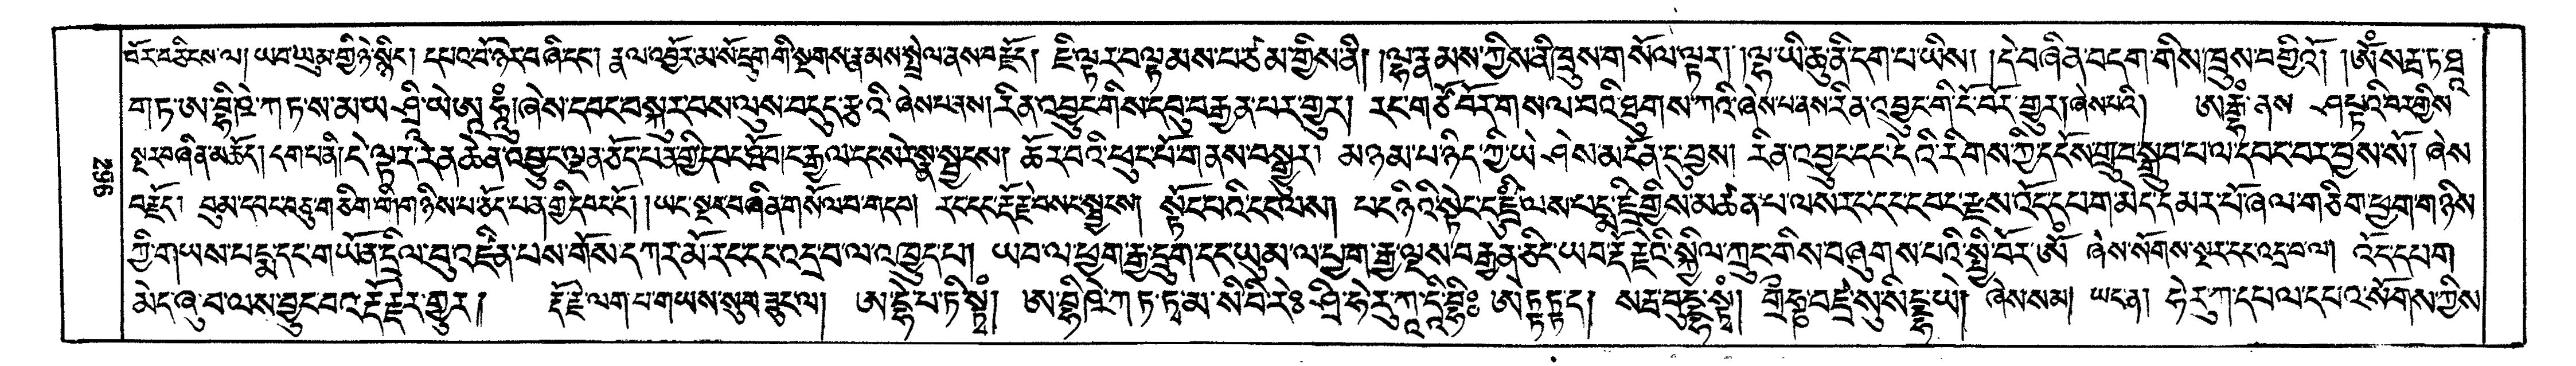པོར་བཅིངས་ལ། ཡབ་ཡུམ་གྱི་ཉེ་སྙིང་། དཔའ་པོ་ཉེར་བཞི་དང་། རྣལ་འབྱོར་མ་སོ་དྲུག་གི་སྔགས་རྣམས་སྤྲེལ་ནས་བརྗོད། ཇི་ལྟར་བལྟམས་པ་ཙམ་གྱིས་ནི། །ལྷ་རྣམས་ཀྱིས་ནི་ཁྲུས་གསོལ་ལྟར། །ལྷ་ཡི་ཆུ་ནི་དག་པ་ཡིས། །དེ་བཞིན་བདག་གིས་ཁྲུས་བགྱིའོ། །ཨོཾ་སརྦ་ཏ་ཐཱ་
ག་ཏ་ཨ་བྷི་ཥེ་ཀ་ཏ་ས་མ་ཡ་ཤྲི་ཡེ་ཨཱཿཧཱུཾ། ཞེས་དབང་བསྐུར་བས་ལུས་བདུད་རྩིའི་ཞེས་པ་ནས། རིན་འབྱུང་གིས་དབུ་བརྒྱན་པར་གྱུར། རང་གཙོ་བོར་གསལ་བའི་ཐུགས་ཀའི་ཞེས་པ་ནས་རིན་འབྱུང་གི་ངོ་བོར་གྱུར། ཞེས་པའི་བར་དང་། ཨརྒྷཾ་ནས་ཤཔྟའི་བར་གྱིས་
སྔར་བཞིན་མཆོད། དག་པ་ནི། དེ་ལྟར་རིན་ཆེན་འབྱུང་ལྡན་ཅོད་པན་གྱི་དབང་ཐོབ། ང་རྒྱལ་དང་སེར་སྣ་སྦྱངས། ཚོར་བའི་ཕུང་པོ་གནས་བསྒྱུར། མཉམ་པ་ཉིད་ཀྱི་ཡེ་ཤེས་མངོན་དུ་བྱས། རིན་འབྱུང་དང་དེའི་རིགས་ཀྱི་དངོས་གྲུབ་སྒྲུབ་པ་ལ་དབང་བར་བྱས་སོ། ཞེས་
བརྗོད། བུམ་དབང་བཅུ་གཅིག་གི་གཉིས་པ་ཅོད་པན་གྱི་དབང་ངོ། །ཡང་སྔར་བཞིན་གསོལ་བ་གདབ། རང་དང་རྡོ་རྗེ་བསང་སྦྱངས། སྟོང་པའི་ངང་ལས། པད་ཉིའི་སྟེང་དུ་ཛྲི་ལས་པདམ་ཛྲི་གྱིས་མཚན་པ་ལས་རང་དང་དབང་རྫས་འོད་དཔག་མེད་དམར་པོ་ཞལ་གཅིག་ཕྱག་གཉིས་
གྱི་གཡས་པདམ་དང་གཡོན་དྲིལ་བུ་འཛིན་པས་གོས་དཀར་མོ་རང་དང་འདྲ་བ་ལ་འཁྱུད་པ། ཡབ་ལ་ཕྱག་རྒྱ་དྲུག་དང་ཡུམ་ལ་ཕྱག་རྒྱ་ལྔས་བརྒྱན་ཅིང་ཡབ་རྡོ་རྗེའི་སྐྱིལ་ཀྲུང་གིས་བཞུགས་པའི་སྤྱི་བོར་ཨོཾ་ཞེས་སོགས་སྔར་དང་འདྲ་བ་ལ། འོད་དཔག་
མེད་ཞུ་བ་ལས་བྱུང་བའི་རྡོ་རྗེར་གྱུར། རྡོ་རྗེ་ལག་པ་གཡས་སུ་བཟུང་ལ། ཨདྷི་པ་ཏི་སྟྭཾ། ཨབྷིཥེ་ཀ་ཏཏྭ་མ་སི་བི་རེཿ ཤྲཱི་ཧེ་རུ་ཀཱ་དཱི་བྷིཿ ཨེ་ཏྟཏྟ་ད། སརྦ་བུདྡྷཱ་སྟྭཾ། གྲྀཧཎ་བཛྲ་སུ་སིདྡྷ་ཡེ། ཞེས་སམ། ཡང་ན། ཧེ་རུ་ཀ་དཔལ་དཔའ་སོགས་ཀྱིས་